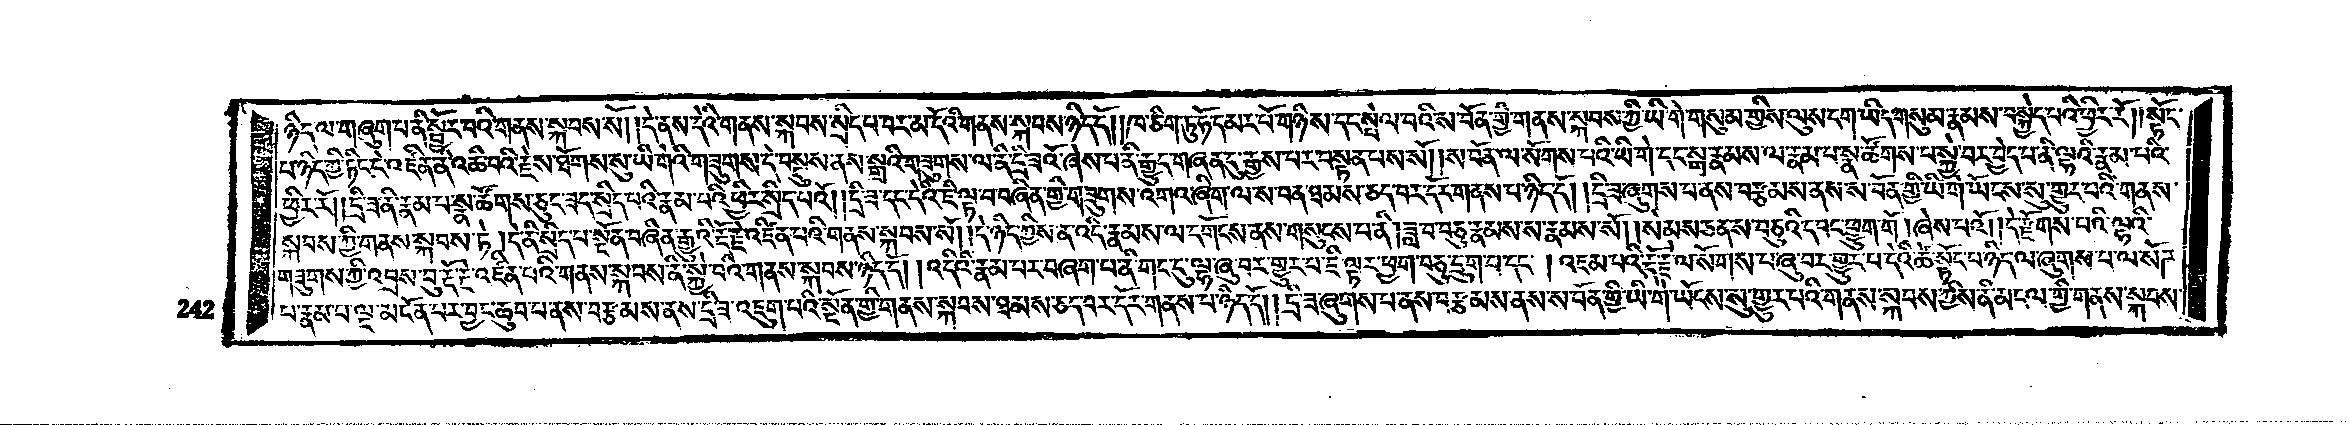ཉིད་ལ་གཞུག་པ་ནི་སྦྱོར་བའི་གནས་སྐབས་སོ། །དེ་ནས་དེའི་གནས་སྐབས་སྲིད་པ་བར་མ་དོའི་གནས་སྐབས་ཉིད་དོ། །ཁ་ཅིག་ཏུ་ཧོ་དམར་པོ་གཉིས་དང་སྤེལ་བའི་ས་བོན་གྱི་གནས་སྐབས་ཀྱི་ཡི་གེ་གསུམ་གྱིས་ལུས་ངག་ཡིད་གསུམ་རྣམས་བསྐྱེད་པའི་ཕྱིར་རོ། །སྟོང་
པ་ཉིད་ཀྱི་ཏིང་ངེ་འཛིན་ནི་འཆི་བའི་རྗེས་ཐོགས་སུ་ཡི་གེའི་གཟུགས་དེ་བསྡུས་ནས་སྒྲའི་གཟུགས་ལ་ནི་དྲི་ཟའོ་ཞེས་པ་ནི་རྒྱུད་གཞན་དུ་རྒྱས་པར་བསྟན་པས་སོ། །ས་བོན་ལ་སོགས་པའི་ཡི་གེ་དང་སྒྲ་རྣམས་ལ་རྣམ་པ་སྣ་ཚོགས་པ་སྐྱེ་བར་བྱེད་པ་ནི་ལྷའི་རྣམ་པའི་
ཕྱིར་རོ། །དྲི་ཟ་ནི་རྣམ་པ་སྣ་ཚོགས་ཅུང་ཟད་སྲིད་པའི་རྣམ་པའི་ཕྱིར་སྲིད་པའོ། །དྲི་ཟ་དང་དེའི་ཇི་ལྟ་བ་བཞིན་གྱི་གཟུགས་འགའ་ཞིག་ལ་ས་བོན་ཐམས་ཅད་བར་དོར་གནས་པ་ཉིད་དོ། །དྲི་ཟ་ཞུགས་པ་ནས་བརྩམས་ནས་ས་བོན་གྱི་ཡི་གེ་ཡོངས་སུ་གྱུར་པའི་གནས་
སྐབས་ཀྱི་གནས་སྐབས་ཏེ། དེ་ནི་སྲིད་པ་སྔོན་བཞིན་རྒྱུའི་རྡོ་རྗེ་འཛིན་པའི་གནས་སྐབས་སོ། །དེ་ཉིད་ཀྱིས་ན་འདི་རྣམས་ལ་དགོངས་ནས་གསུངས་པ་ནི། ཟླ་བ་བཅུ་རྣམས་ས་རྣམས་སོ། །སེམས་ཅན་ས་བཅུའི་དབང་ཕྱུག་གོ །ཞེས་པའོ། །དེ་རྫོགས་པའི་ལྷའི་
གཟུགས་ཀྱི་འབྲས་བུ་རྡོ་རྗེ་འཛིན་པའི་གནས་སྐབས་ནི་སྐྱེ་བའི་གནས་སྐབས་ཉིད་དོ། །འདིའི་རྣམ་པར་བཞག་པ་ནི་གང་དུ་ལྷ་ཞུ་བར་གྱུར་པ་ཇི་ལྟར་ཕྱག་བཅུ་དྲུག་པ་དང་། འཇམ་པའི་རྡོ་རྗེ་ལ་སོགས་པ་ཞུ་བར་གྱུར་པ་དེའི་ཚེ་སྟོང་པ་ཉིད་ལ་ཞུགས་པ་ལ་སོགས་
པ་རྣམ་པ་ལྔ་མངོན་པར་བྱང་ཆུབ་པ་ནས་བརྩམས་ནས་དྲི་ཟ་འཇུག་པའི་སྔོན་གྱི་གནས་སྐབས་ཐམས་ཅད་བར་དོར་གནས་པ་ཉིད་དོ། །དྲི་ཟ་ཞུགས་པ་ནས་བརྩམས་ནས་ས་བོན་གྱི་ཡི་གེ་ཡོངས་སུ་གྱུར་པའི་གནས་སྐབས་ཀྱིས་ནི་མངལ་གྱི་གནས་སྐབས་